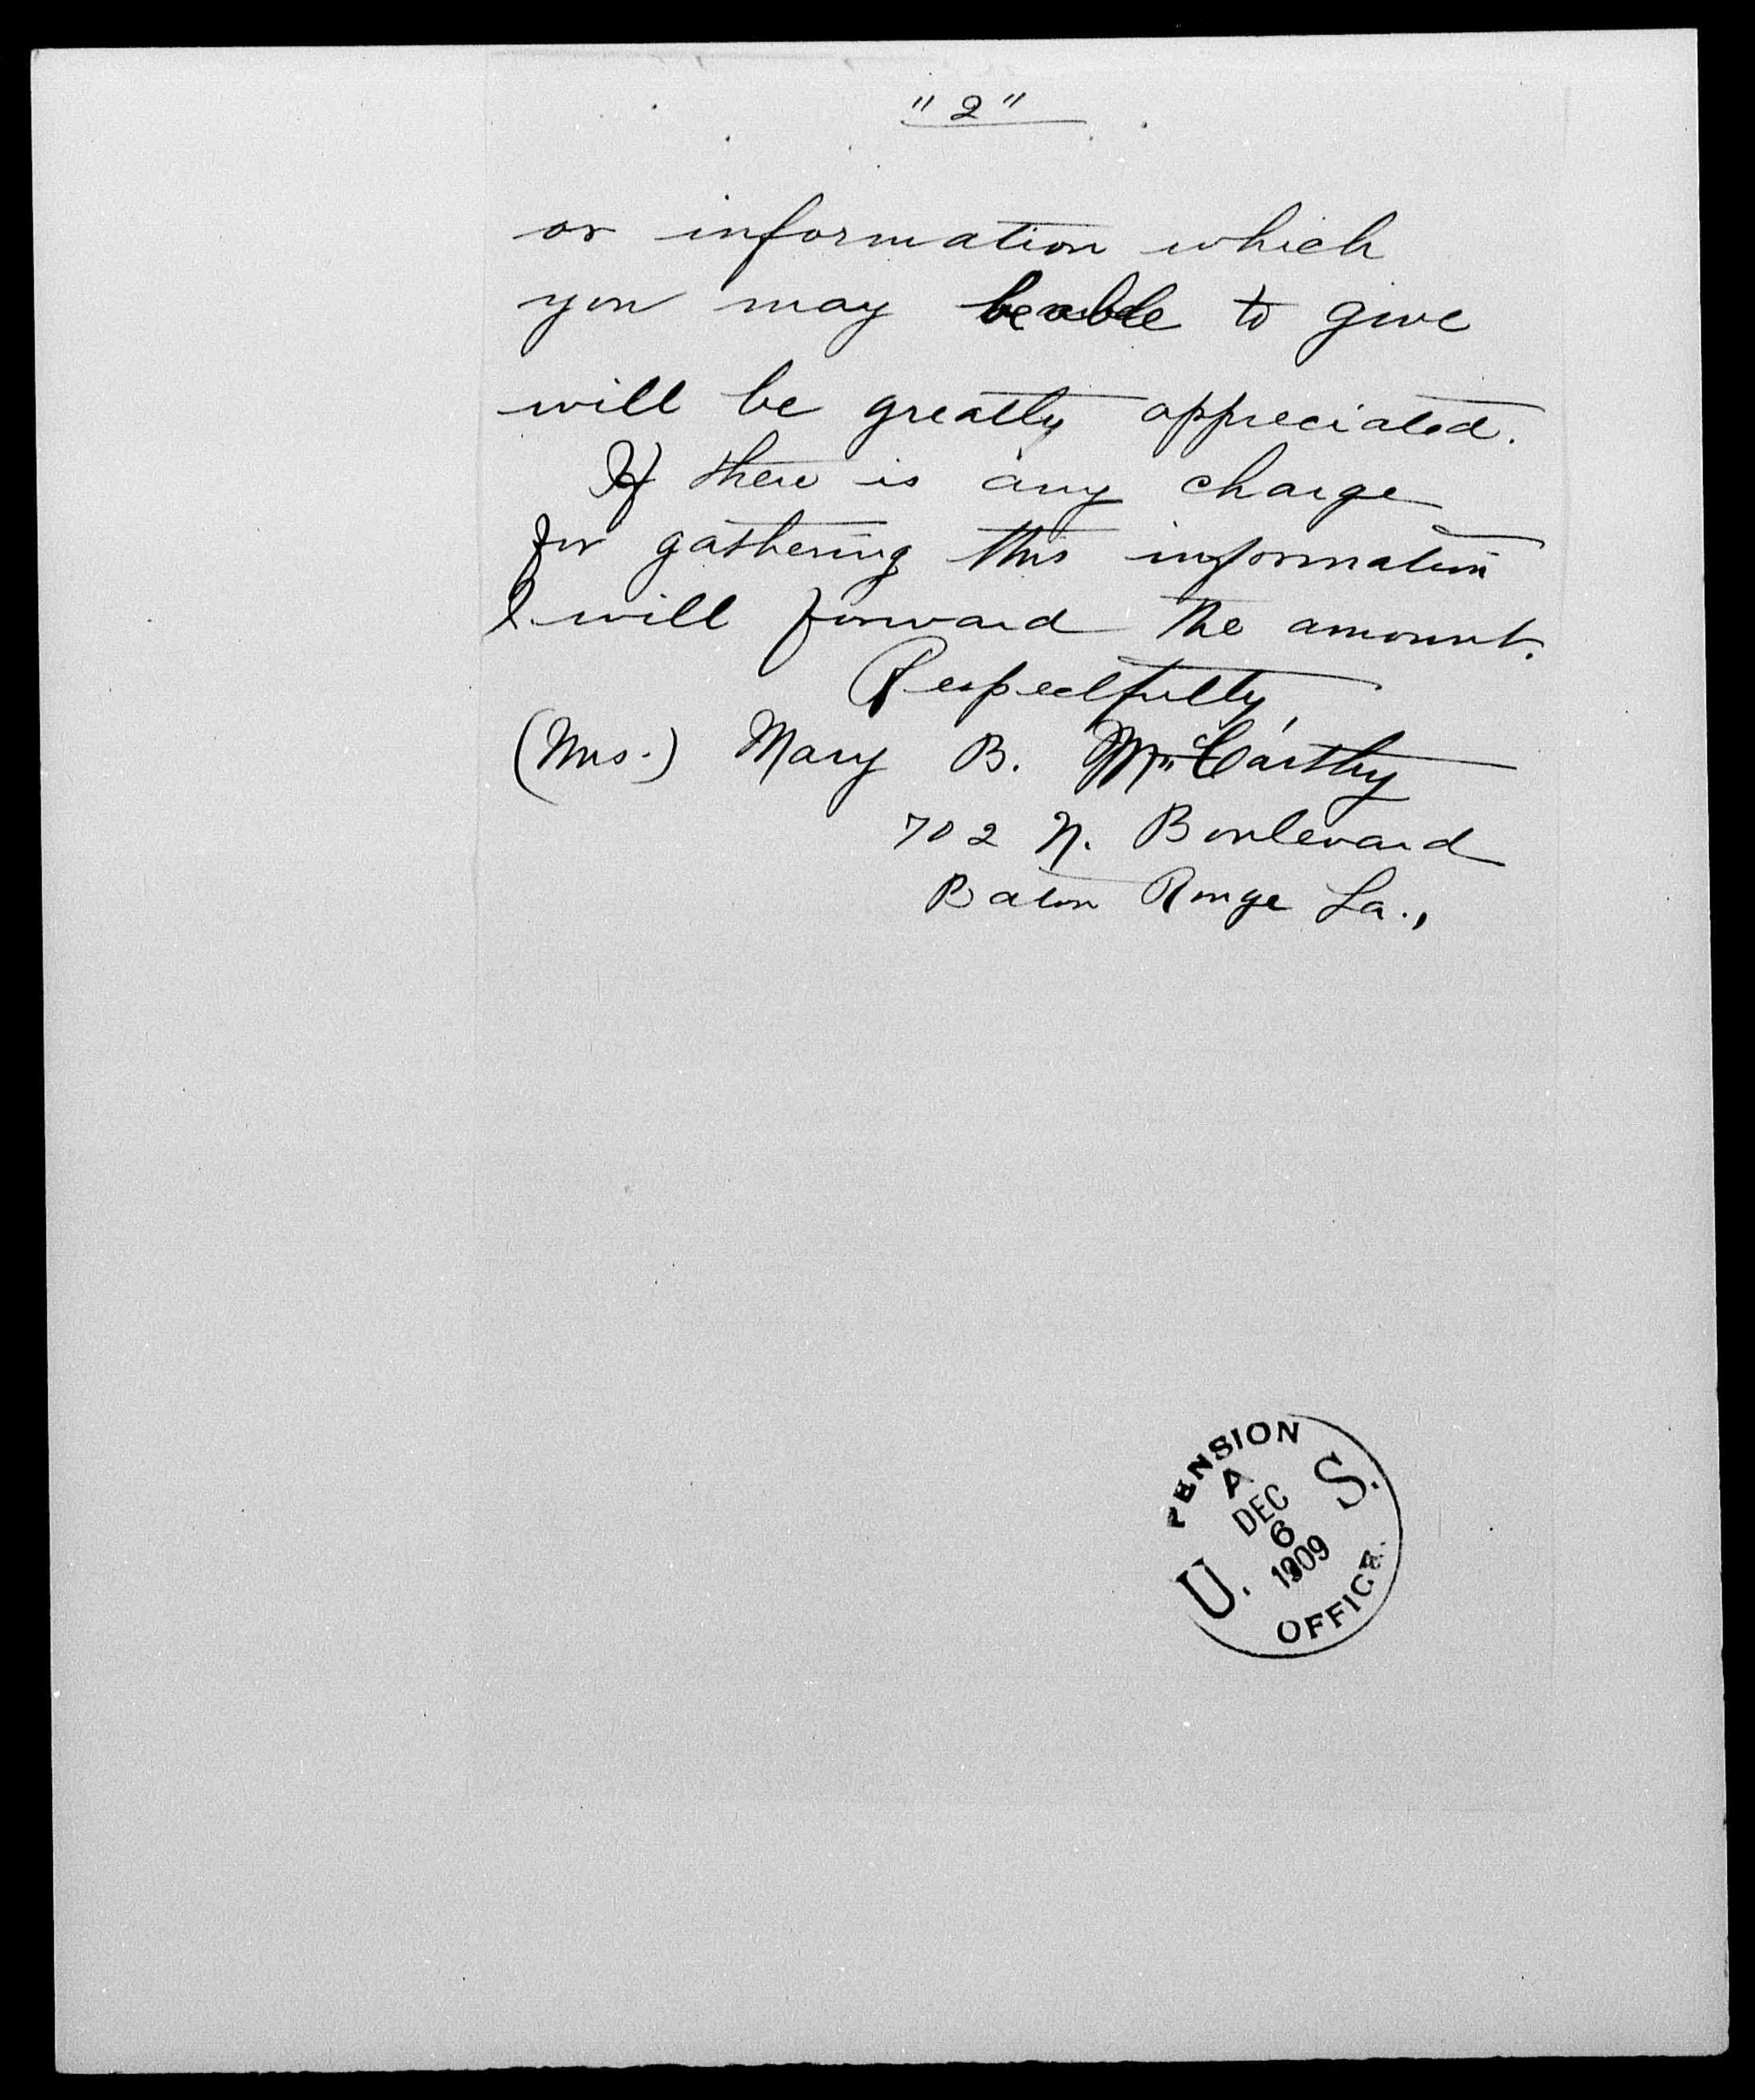"2"
or information which you may be able to give will be greatly appreciated.
If there is any charge for gathering this information I will forward the amount.
Respectfully
(Mrs.) Mary B. Mc Carthy
702 N. Boulevard
Baton Rouge La.

[Stamp] U.S. PENSION OFFICE A DEC 6 1909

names: Mary B Mc Carthy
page: 20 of 27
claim: rejected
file: R. 406, John Baker, S.C.